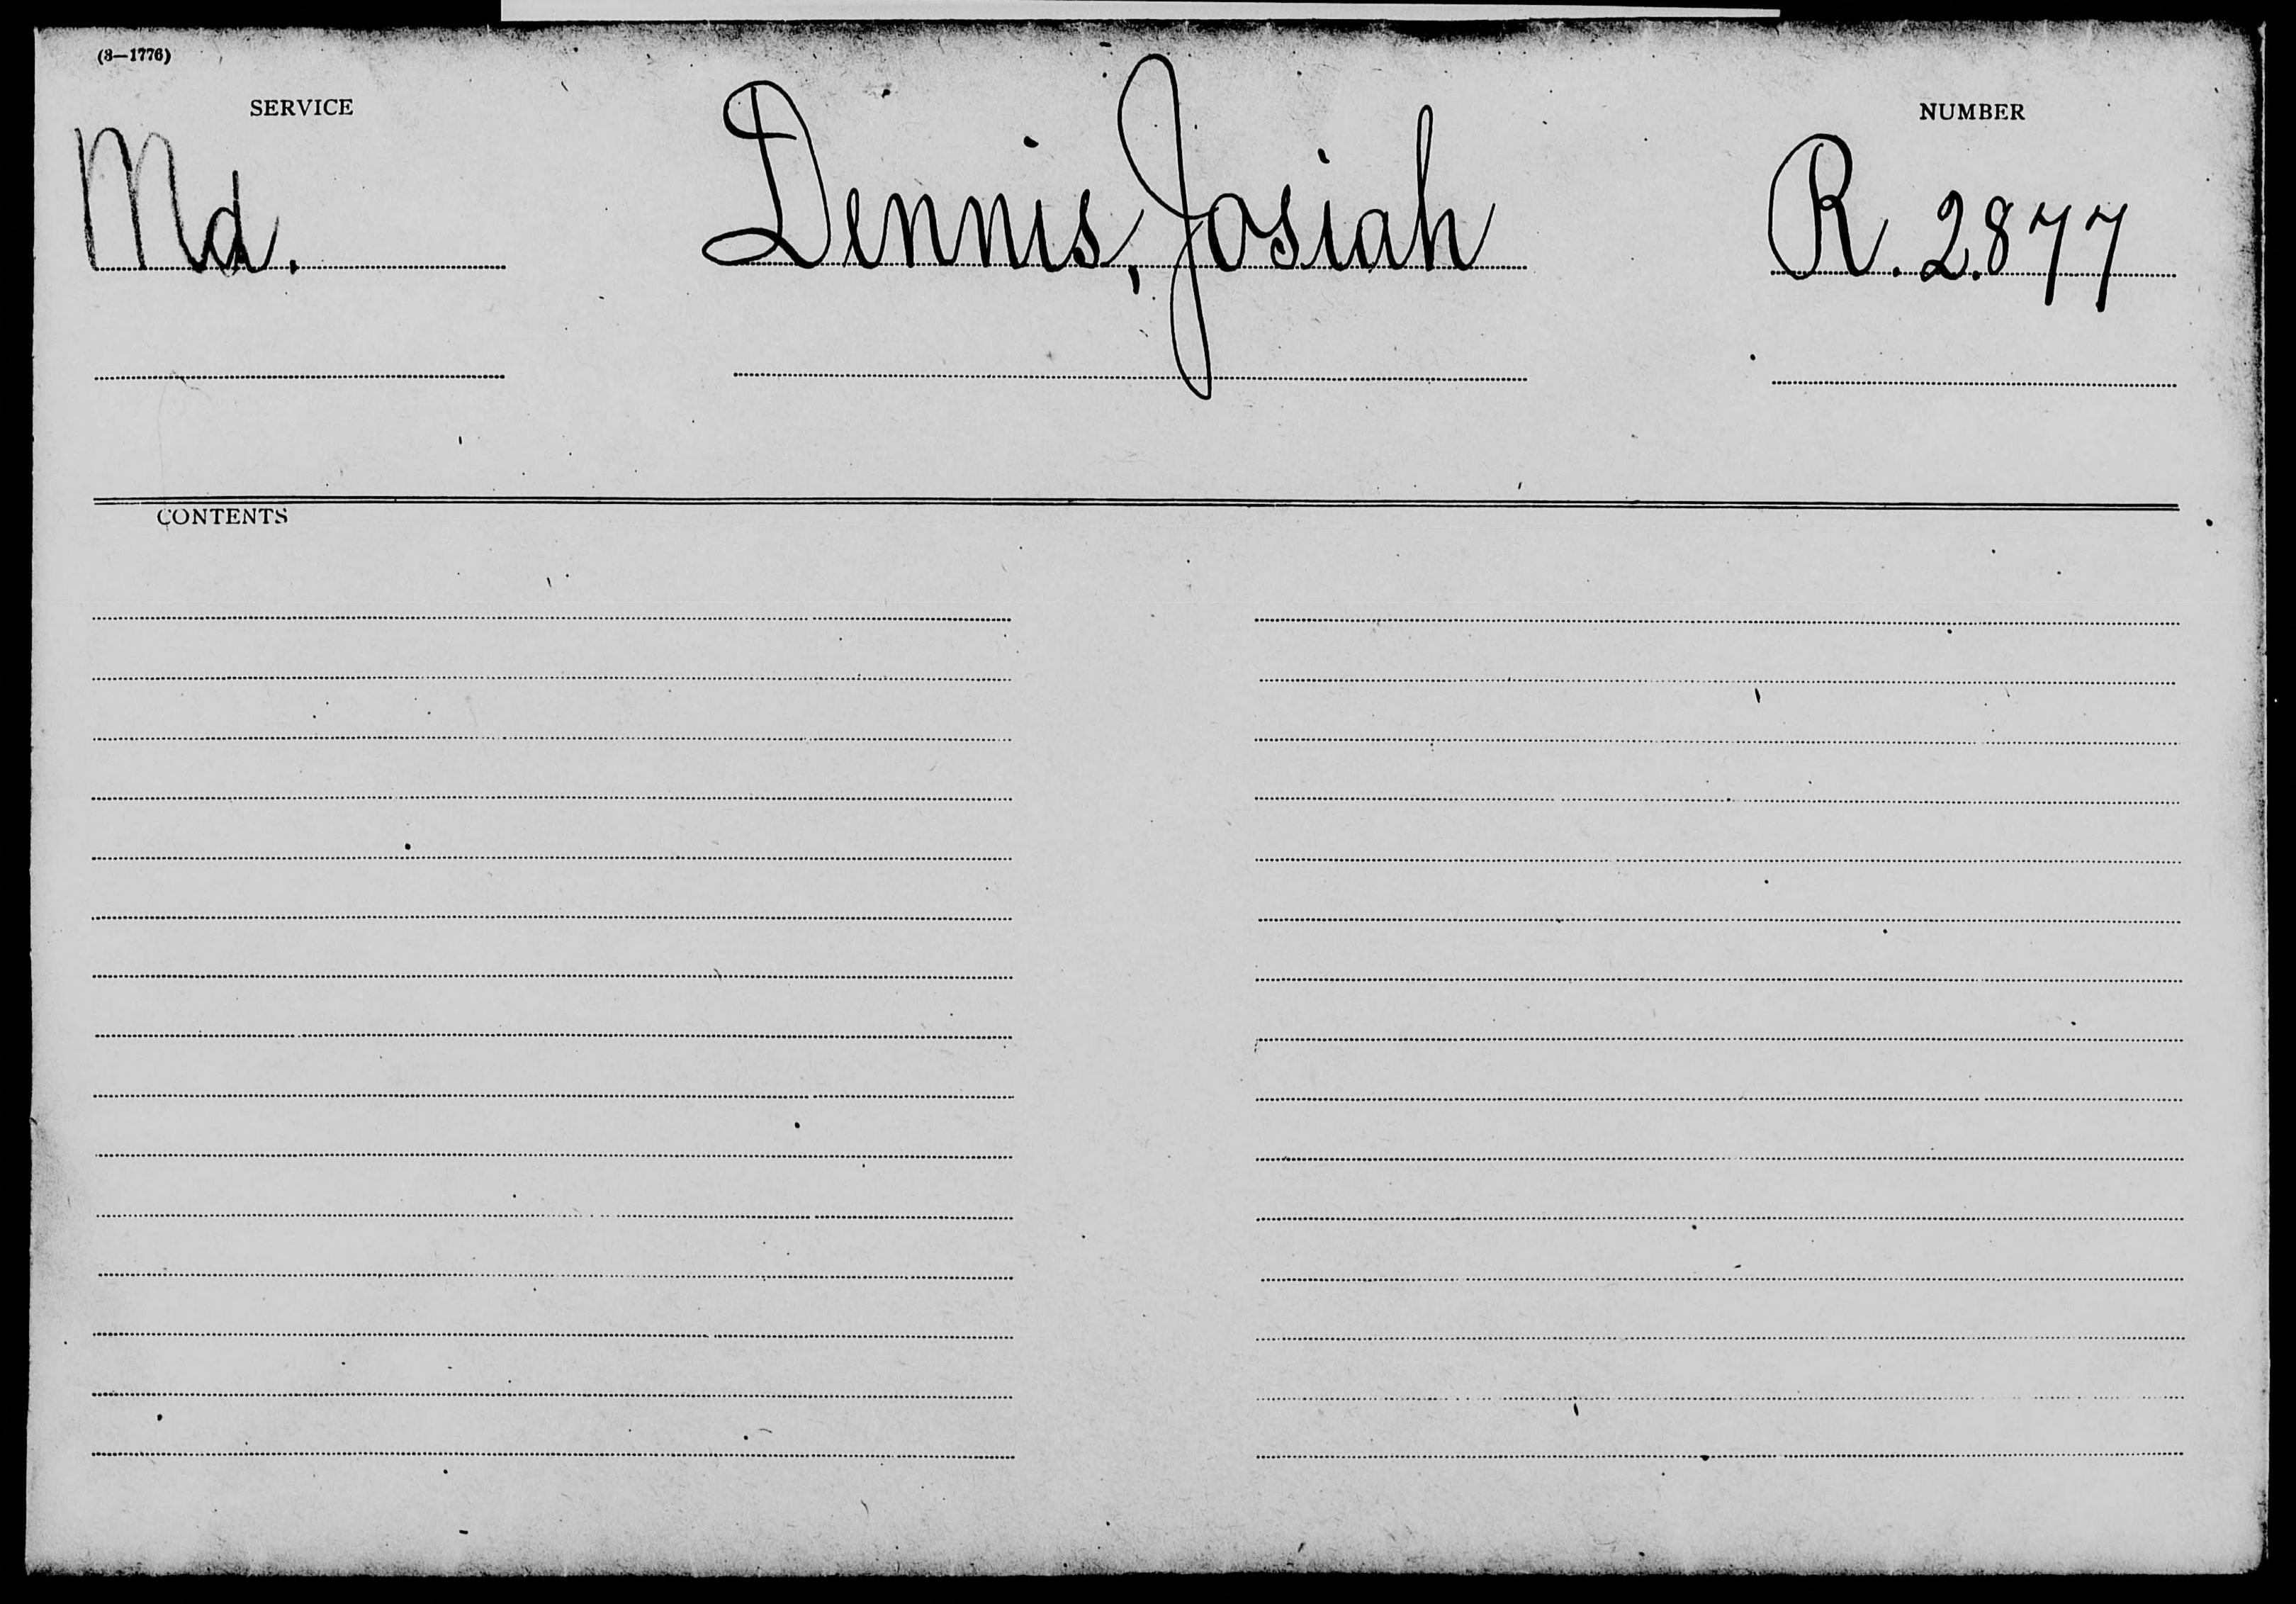(8-1776) Md
Dennis, Josiah
Number R 2.877

CONTENTS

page: 1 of 14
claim: rejected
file: R. 2,877, Josiah Dennis, Md.